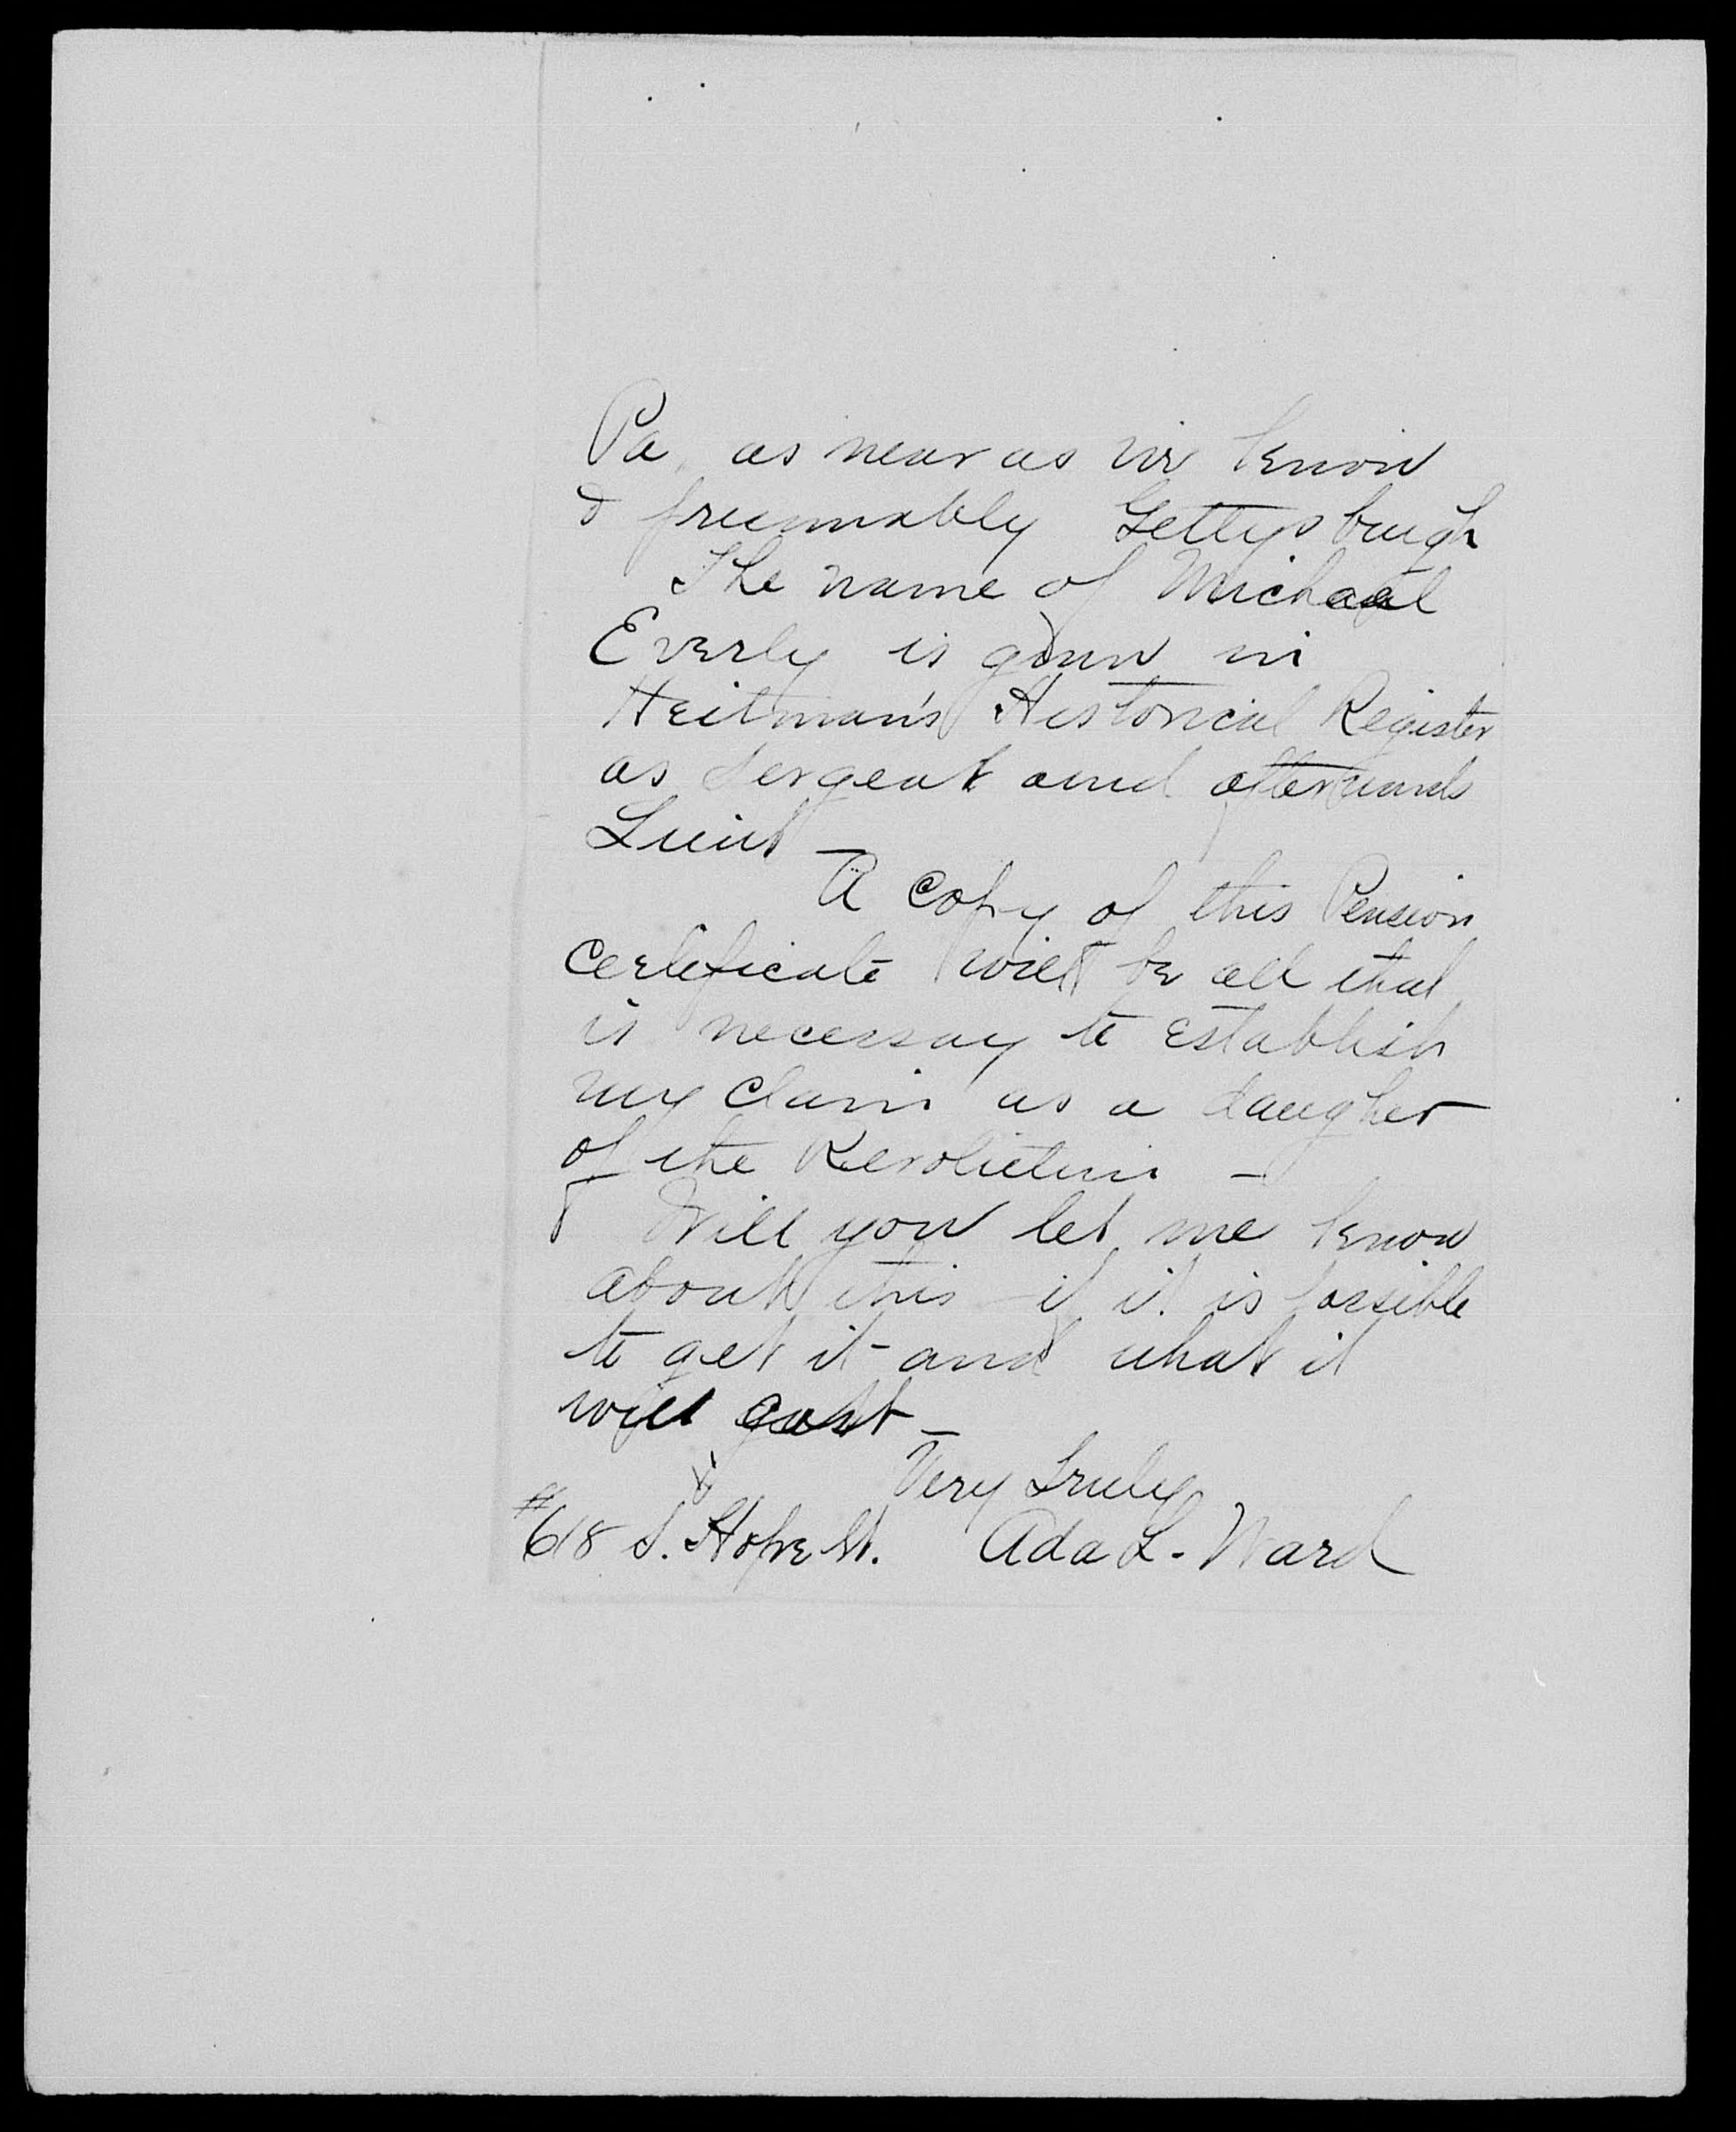, as near as we know
freemably
Gettysburgh
The name of Michael
Everly is gone in
Heitman's Historical Register
as Sergeat and afterwards
Luis
A copy of
this Pension
certificate will be all that
is necessary to establish
my claim as a daugher
of the Resolution
---
Will you let me know
is possible
to get it and
what it
will cast
-
18 S. Hope St.
Very Truly
Ada L. War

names: S Hosse, Michael Everly, Ada L Ward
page: 30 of 31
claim: widow's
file: W. 4537, Michael Everly, Penn